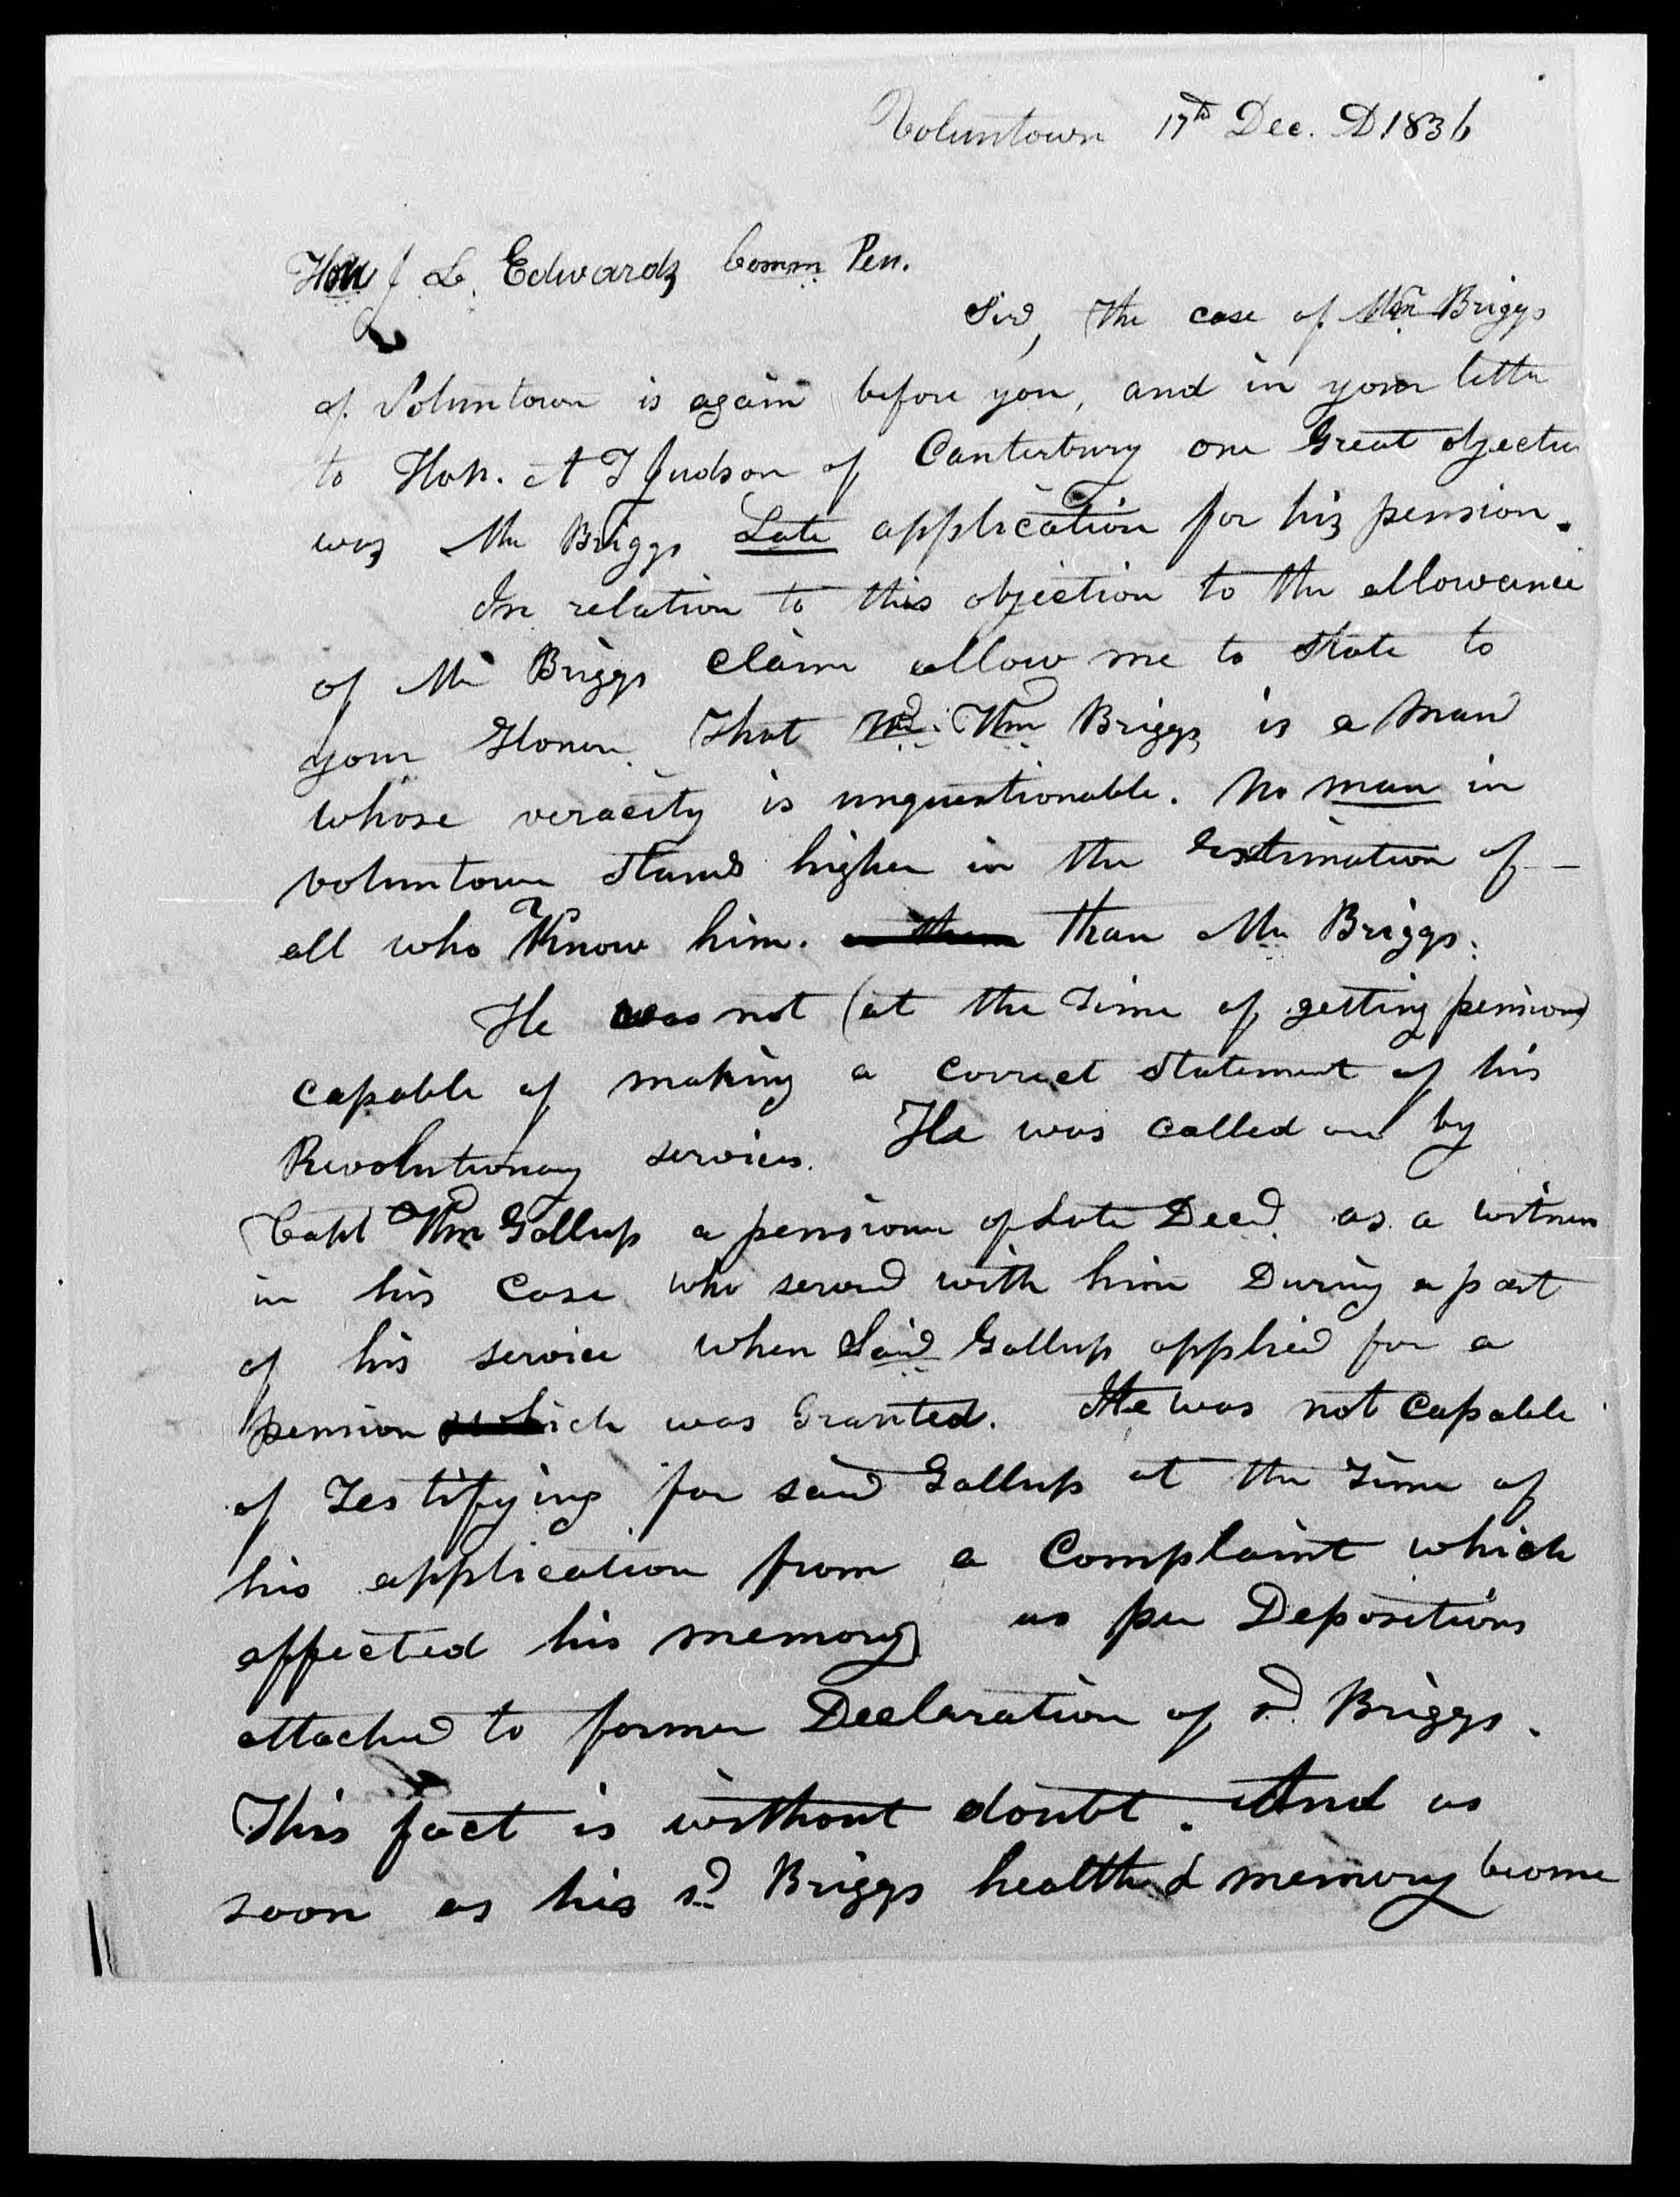Voluntown 17th Dec. AD 1836 

Hon J L Edwards Comm Pen. 

Sir, the case of Wm Briggs of Voluntown is again before you, and in your letter to Hon. A T Judson of Canterbury one Great objection was  Mr Briggs Late[underlined] application for his pension. 

In relation to this objection to the allowance of Mr Briggs claim allow me to state to your Honor that said Wm Briggs is a man whose veracity is unquestionable. No man[underlined] in Voluntown stands higher in the estimation of all who know him. than Mr Briggs. 

He was not (at the time of getting pension) capable of making a correct statement of his Revolutionary services. He was called on by Capt Wm Gallup a pensioner of Late Deed as a witness in his Case who served with him during a part his service when said Gallup applied for a pension which was granted. He was not capable of Testifying for said Gallup at the time of his application from a complaint which effected his memory as per Depositions attached to former Declaration of said Briggs.  This fact is without doubt. And as soon as his said Briggs health & memory beome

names: Briggs, Gallup, A T Judson, Wm Gallup, Briggs, Briggs, Wm Briggs, J L Edwards, Gallup, Briggs, Briggs, Wm Briggs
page: 17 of 37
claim: survivor's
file: S. 12,281, William Briggs, Conn.